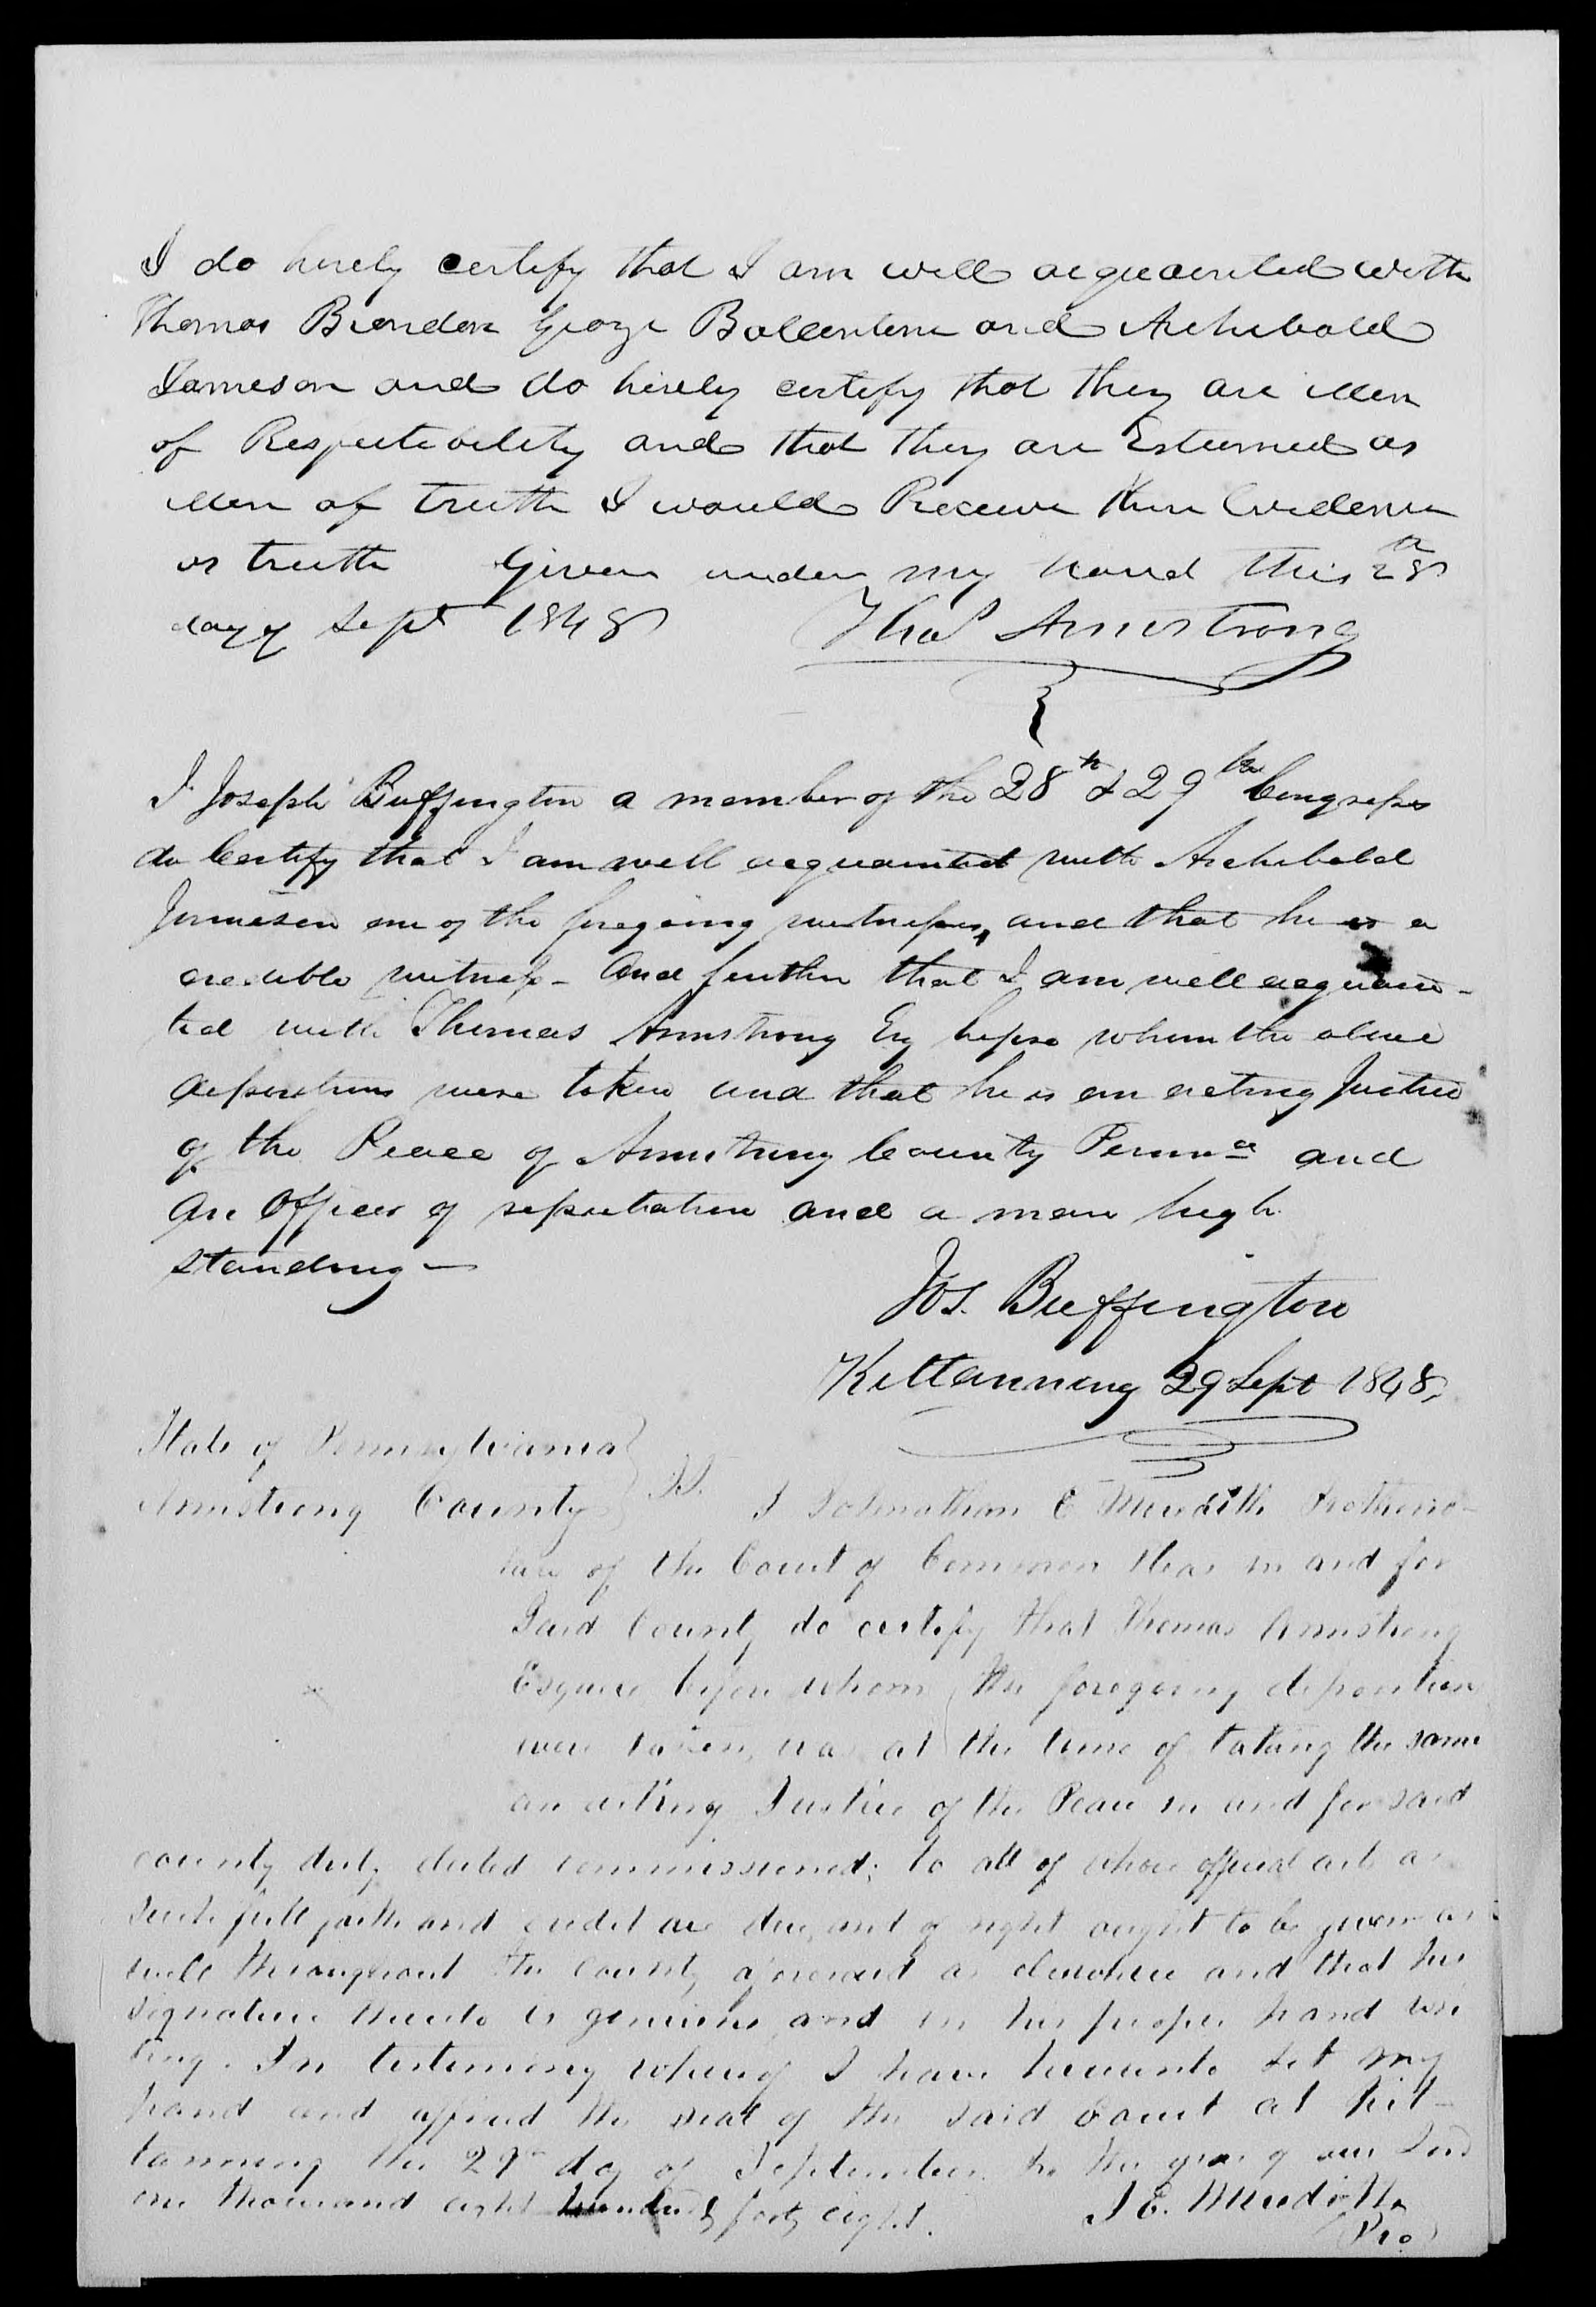I do hereby certify that I am will acquainted with Thomas Brandon George and Archibald Jameson and do hereby certify that they are men of Respectability and that they are Esteemed as Men of truth I would Receive their evidence as truth Given under my hand this 28th day of Sept 1848
Thos. Armstrong

I Joseph Buffington a member of the 28th & 29th Congress do Certify that I am well acquainted with Archibald Jameson one of the foregoing witnesses, and that he is a credible witness- And further that I am well acquainted with Thomas Armstrong Esq before whom the above depositions were taken and that he is an acting Justice of the Peace of Armstrong County Penna. and an Officer of reputation and a man [of] high standing --
Jos. Buffington
Kittanning 29 Sept 1848.

State of Pennsylvania
Armstrong County } ss. I Johnathan E. Meredith Prothonotary of the Court of Common Pleas in and for Said County do certify that Thomas Armstrong Esquire before whom the foregoing deposition was taken, was at the time of taking the same an acting Justice of the Peace in and for said  county duly elected & commissioned; to all of whose official acts as such full faith and credit are due, and of right ought to be given as well throughout the county aforesaid a [illegible] and that his signature hereto is genuine and in his proper hand writing. In testimony whereof I have hereunto set my hand and affixed the seal of the said Court at Kittanning the 29th day of September in the year of our Lord one thousand eight hundred forty eight.
J E Meredith
Pro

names: Thos Armstrong, Jos Buffington, Archibald Jameson, J E Meredith, Thomas Armstrong, George Ballentine, Archibald Jamison, Thomas Brandon, Thomas Armstrong, Johnathan E Meredith, Joseph Buffington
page: 22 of 83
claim: widow's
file: W. 5946, John Brandon, Penn